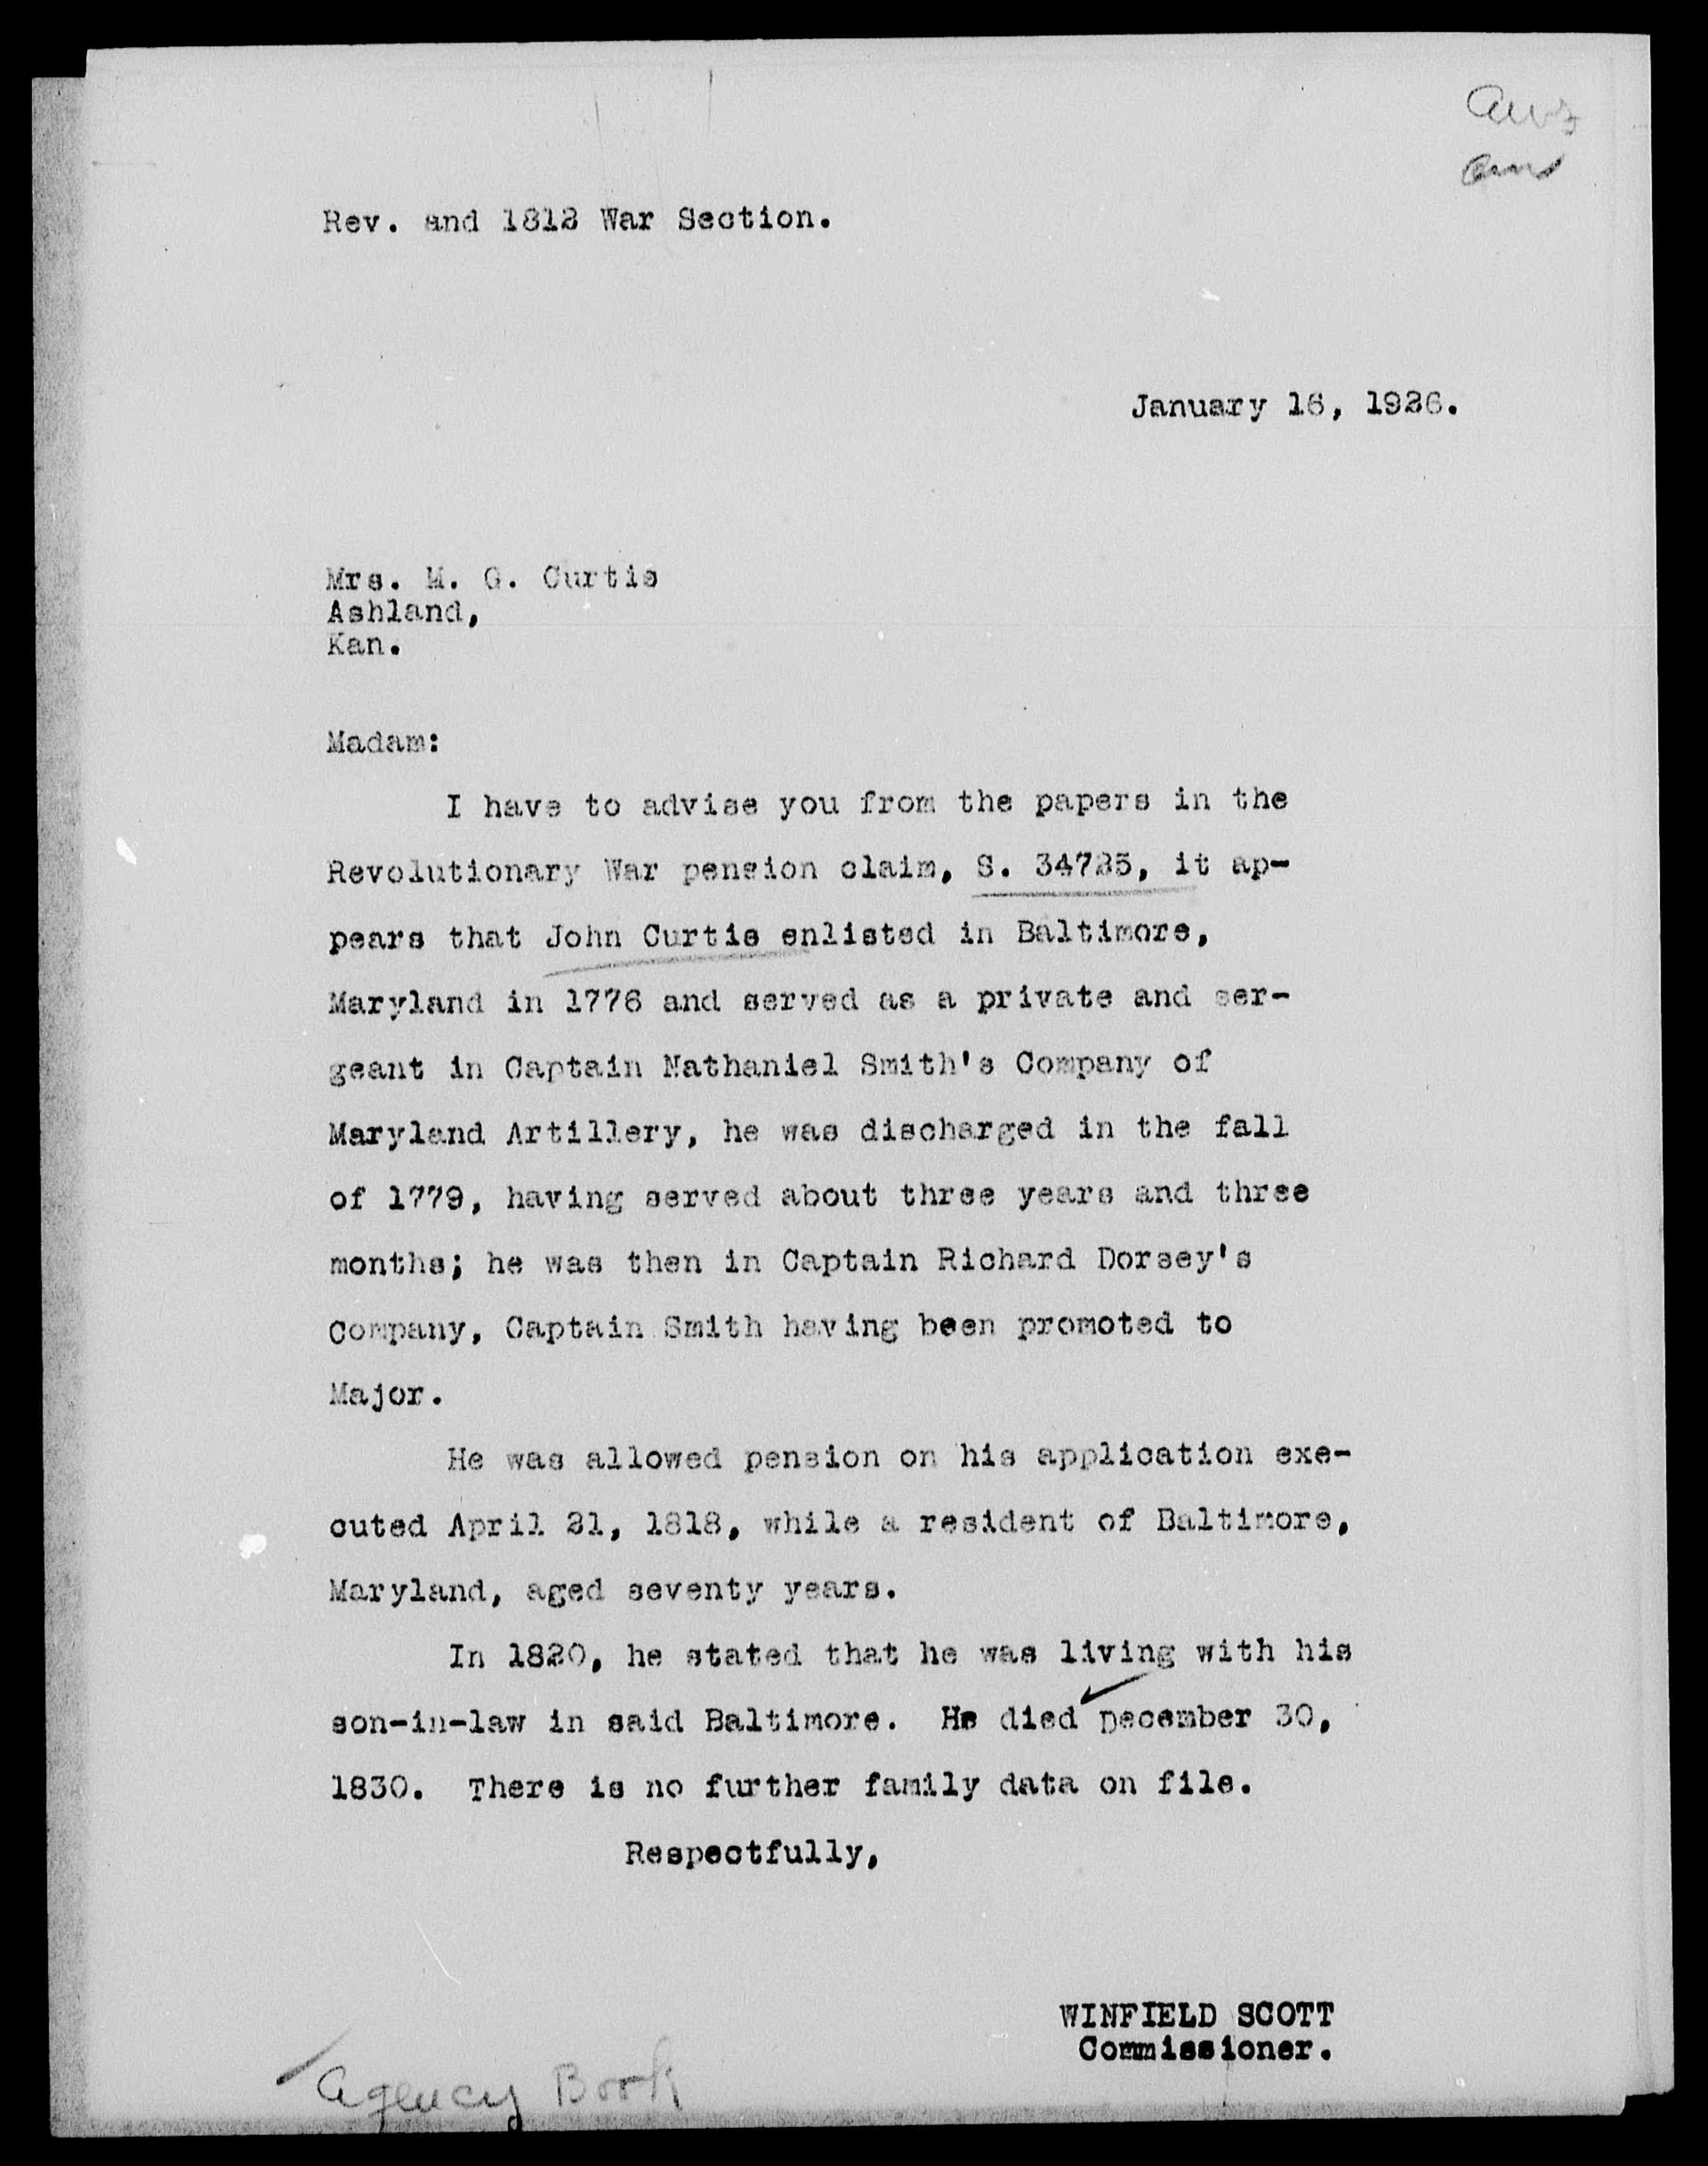aws
an
Rev. and 1812 War Section.
January 18, 1926

Mrs. M. G. Curtis
Ashland,
Kan.
Madam:
I have to advise you from the papers in the
Revolutionary War pension claim, S. 34925, it appears
that John Curtis enlisted in Baltimore,
Maryland in 1778 and served as a private and sergeant
in Captain Nathaniel Smith's Company of
Maryland Artillery, he was discharged in the fall
of 1779, having served about three years and three
months; he was then in Captain Richard Dorsey's
Company, Captain Smith having been promoted to
Major.
He was allowed pension on his application exeecuted
April 21, 1818, while a resident of Baltimore,
Maryland, aged seventy years.
In 1820 he stated that he was living with his
son-in-law in said Baltimore. He died December 30,
1830. There is no further family data on file.
Respectfully,
WINFIELD SCOTT
Commissioner.

Agency Book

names: Winfield Scott, M G Curtis, John Curtis, Smith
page: 7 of 26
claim: survivor's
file: S. 34,725, John Curtis, Md.